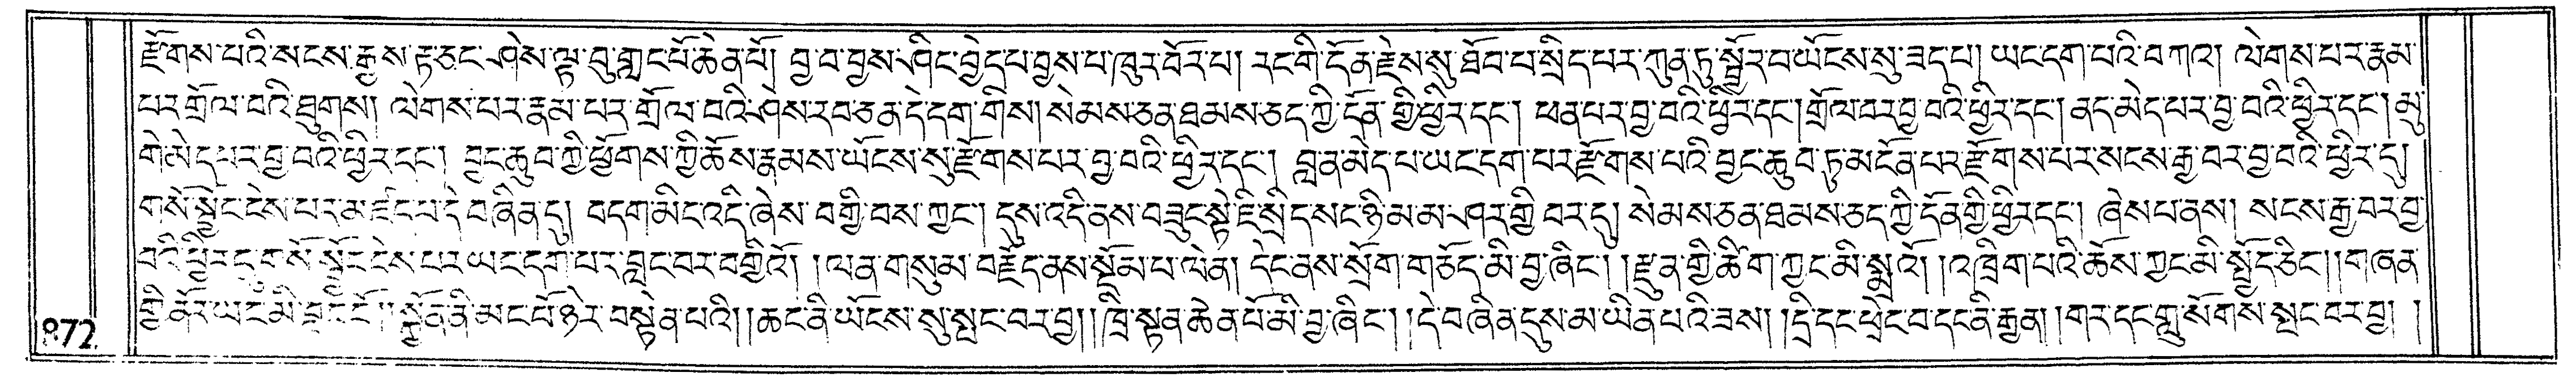རྫོགས་པའི་སངས་རྒྱས་རྟ་ཅང་ཤེས་ལྟ་བུ་གླང་པོ་ཆེན་པོ། བྱ་བ་བྱས་ཤིང་བྱེད་པ་བྱས་པ་ཁུར་བོར་པ། རང་གི་དོན་རྗེས་སུ་ཐོབ་པ་སྲིད་པར་ཀུན་ཏུ་སྦྱོར་བ་ཡོངས་སུ་ཟད་པ། ཡང་དག་པའི་བཀའ། ལེགས་པར་རྣམ་
པར་གྲོལ་བའི་ཐུགས། ལེགས་པར་རྣམ་པར་གྲོལ་བའི་ཤེས་རབ་ཅན་དེ་དག་གིས། སེམས་ཅན་ཐམས་ཅད་ཀྱི་དོན་གྱི་ཕྱིར་དང་། ཕན་པར་བྱ་བའི་ཕྱིར་དང་། གྲོལ་བར་བྱ་བའི་ཕྱིར་དང་། ནད་མེད་པར་བྱ་བའི་ཕྱིར་དང་། མུ་
གེ་མེད་པར་བྱ་བའི་ཕྱིར་དང་། བྱང་ཆུབ་ཀྱི་ཕྱོགས་ཀྱི་ཆོས་རྣམས་ཡོངས་སུ་རྫོགས་པར་བྱ་བའི་ཕྱིར་དང་། བླ་ན་མེད་པ་ཡང་དག་པར་རྫོགས་པའི་བྱང་ཆུབ་ཏུ་མངོན་པར་རྫོགས་པར་སངས་རྒྱ་བར་བྱ་བའི་ཕྱིར་དུ།
གསོ་སྦྱོང་ངེས་པར་མཛད་པ་དེ་བཞིན་དུ། བདག་མིང་འདི་ཞེས་བགྱི་བས་ཀྱང་། དུས་འདི་ནས་བཟུང་སྟེ་ཇི་སྲིད་སང་ཉི་མ་མ་ཤར་གྱི་བར་དུ། སེམས་ཅན་ཐམས་ཅད་ཀྱི་དོན་གྱི་ཕྱིར་དང་། ཞེས་པ་ནས། སངས་རྒྱ་བར་བྱ་
བའི་ཕྱིར་དུ་གསོ་སྦྱོང་ངེས་པར་ཡང་དག་པར་བླང་བར་བགྱིའོ། །ལན་གསུམ་བརྗོད་ནས་སྡོམ་པ་ལེན། དེང་ནས་སྲོག་གཅོད་མི་བྱ་ཞིང་། །རྫུན་གྱི་ཚིག་ཀྱང་མི་སྨྲའོ། །འཁྲིག་པའི་ཆོས་ཀྱང་མི་སྤྱོད་ཅིང་། །གཞན་
གྱི་ནོར་ཡང་མི་བླང་ངོ། །སྐྱོན་ནི་མང་པོ་ཉེར་བསྟེན་པའི། །ཆང་ནི་ཡོངས་སུ་སྤང་བར་བྱ། །ཁྲི་སྟན་ཆེན་པོ་མི་བྱ་ཞིང་། །དེ་བཞིན་དུས་མ་ཡིན་པའི་ཟས། །དྲི་དང་ཕྲེང་བ་དང་ནི་རྒྱན། །གར་དང་གླུ་སོགས་སྤང་བར་བྱ། །